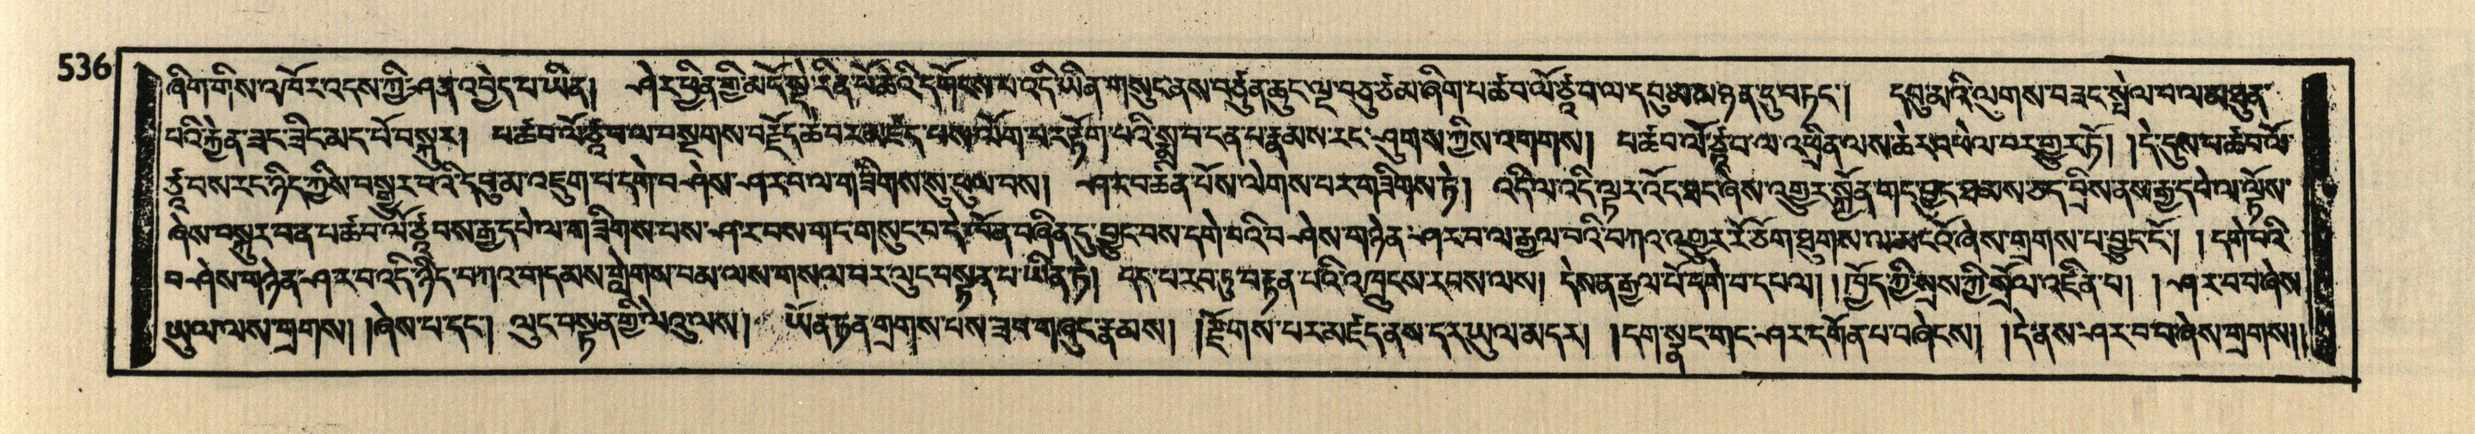ཞིག་གིས་འཁོར་འདས་ཀྱི་ཤན་འབྱེད་པ་ཡིན། ཤེར་ཕྱིན་གྱི་མདོ་སྡེ་རིན་པོ་ཆེའི་དགོངས་པ་འདི་ཡིན་གསུང་ནས་བཙུན་ཆུང་ལྔ་བཅུ་ཙམ་ཞིག་པ་ཚབ་ལོ་ཙཱ་བ་ལ་དབུ་མ་མཉན་དུ་བཏང་། དབུ་མའི་ལུགས་བཟང་སྤེལ་བ་ལ་མཐུན་
པའི་རྐྱེན་ཟང་ཟིང་མང་པོ་བསྐུར། པ་ཚབ་ལོ་ཙཱ་བ་ལ་བསྔགས་བརྗོད་ཆེ་བར་མཛད་པས་ལོག་པར་རྟོག་པའི་སྨྲ་བ་ངན་པ་རྣམས་རང་ཤུགས་ཀྱིས་འགགས། པ་ཚབ་ལོ་ཙཱ་བ་ལ་འཕྲིན་ལས་ཆེར་འཕེལ་བར་གྱུར་ཏོ། །དེ་དུས་པ་ཚབ་ལོ་
ཙཱ་བས་རང་ཉིད་ཀྱིས་བསྒྱུར་བའི་དབུ་མ་འཇུག་པ་དགེ་བཤེས་ཤ་ར་བ་ལ་གཟིགས་སུ་ཕུལ་བས། ཤར་བ་ཆེན་པོས་ལེགས་པར་གཟིགས་ཏེ། འདི་ལ་འདི་ལྟར་འོང་ཐང་ཞེས་འགྱུར་སྐྱོན་གང་བྱུང་ཐམས་ཅད་བྲིས་ནས་རྒྱ་དཔེ་ལ་ལྟོས་
ཞེས་བསྐུར་བ་ན་པ་ཚབ་ལོ་ཙཱ་བས་རྒྱ་དཔེ་ལ་གཟིགས་པས་ཤ་རབས་གང་གསུང་བ་དེ་ཁོ་ན་བཞིན་དུ་བྱུང་བས་དགེ་བའི་བཤེས་གཉེན་ཤར་པ་ལ་རྒྱལ་བའི་བཀའ་འགྱུར་རོ་ཅོག་ཐུགས་ལ་མངའོ་ཞེས་གྲགས་པ་བྱུང་ངོ། །དགེ་བའི་
བཤེས་གཉེན་ཤར་བ་འདི་ཉིད་བཀའ་གདམས་གླེགས་བམ་ལས་གསལ་བར་ལུང་བསྟན་པ་ཡིན་ཏེ། དད་པ་རབ་ཏུ་བརྟན་པའི་འཁྲུངས་རབས་ལས། དེས་ན་རྒྱལ་པོ་དགེ་བ་དཔལ། །ཁྱོད་ཀྱི་སྲས་ཀྱི་སྲོལ་འཛིན་པ། །ཤར་བ་བཞེས་
ཡུལ་ལས་གྲགས། །ཞེས་པ་དང་། ལུང་བསྟན་གྱི་ལེའུ་ལས། ཡོན་ཏན་གྲགས་པས་ཟབ་གཞུང་རྣམས། །རྫོགས་པར་མཛད་ནས་དར་ཡུལ་མདར། །དག་སྣང་གང་ཤར་དགོན་པ་བཞེངས། །དེ་ནས་ཤར་བ་ཞེས་གྲགས།།